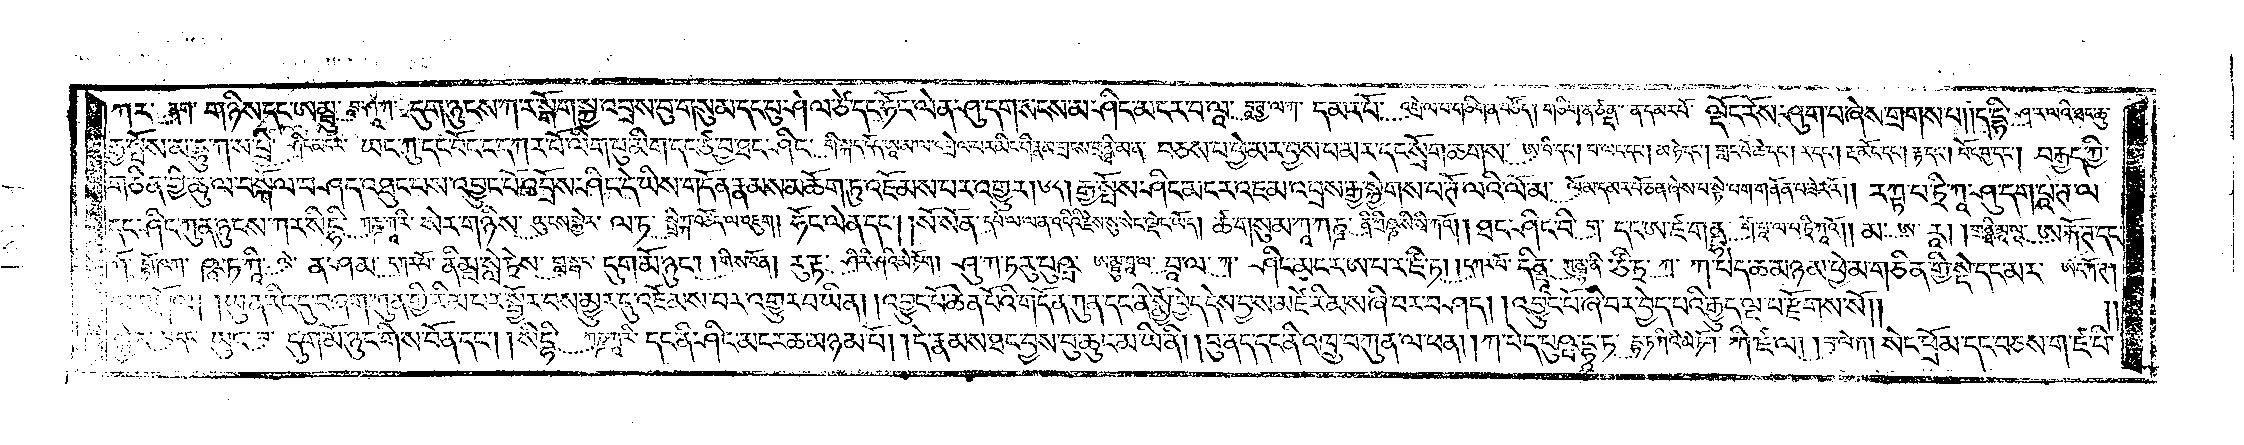ཀར་ནག་གཉིས་དང་ཨམྦུ་བཱ་ཤཱ་ཀ་དུག་ཉུངས་ཀ་ར་སྒོག་སྐྱ་འབྲས་བུ་གསུམ་དང་པུ་ཤེལ་ཙེ་དང་ཧོང་ལེན་ཤུ་དག་སངས་མ་ཤིང་མངར་བ་ལཱ་བཱཊྱ་ལ་ཀ་དམར་པོ་འགྲེལ་པ་གཅིག་ན་བཙོད། གཅིག་ན་ཙནྡ་ན་དམར་པོ་ལྡོང་རོས་ཤུག་པ་ཞེས་གྲགས་པ། །ད་དྷི་ཤ་ར་ལའི་ཐང་ཆུ་
རྒྱ་སྤོས་མ་དྷུ་ཀ་ས་པྲི་ཤིང་མངར་ཡང་ཀུ་དང་བོང་ང་དཀར་པོ་ལིག་པུ་མིག་དང་ཙ་བྱ་ཐང་ཤིང་གི་སྐད་དོད་ཨཱ་མ་ལ་འགྲེལ་པར་མིང་གི་རྣམ་གྲངས་གྲནྠི་མ་ན་བཅས་པ་ཕྱེ་མར་བྱས་པ་མར་དང་སྲོག་ཆགས་ཨ་བི་དང་། བ་ལང་དང་། མ་ཧེ་དང་། གླང་པོ་ཆེ་དང་། ར་དང་། རྔ་མོང་དང་། རྟ་དང་། བོང་བུ་དང་། བརྒྱད་ཀྱི་
གཅིན་གྱི་ཆུ་ལ་བསྐོལ་བཤད་འཐུང་པས་འབྱུང་པོ་འབྲོས་ཤིང་དེ་ཡིས་གདོན་རྣམས་མཆོག་ཏུ་འཇོམས་པར་འགྱུར། ༦༨་།རྒྱ་སྤོས་ཤིང་མངར་འཇམ་འབྲས་རྒྱ་སྐྱེགས་པ་ཊོ་ལའི་ལོ་མ་ལོ་མ་དམར་པོ་ཅན་ཞེས་པ་སྟེ་ཕག་གནོན་པ་ཟེར་རོ།། རཀྟ་པ་ཏྲི་ཀཱ་ཤུ་དག་པཱ་ཊ་ལ་
དང་ཤིང་ཀུན་ཉུངས་ཀར་སིདྷི་ཀཎྜ་ཀཱ་རི་སེར་གཉིས་ཡུངས་སྐྱེར་ལ་ཏ་སྤྲིཀྐ་བཙོད་ལ་འཇུག། ཧོང་ལེན་དང་། །སོ་སོན་དཔེ་ལ་ལ་ན་འདིའི་རྗེས་སུ་སེང་ལྡེང་ཡོད། ཚ་གསུམ་ཀཱ་ཀཎྜ་ནི་ཀྲིཥྞ་སི་སྭི་ཀའོ། །ཐང་ཤིང་བི་ག་དང་ཨ་ཛ་གནྡྷ་གོ་པཱ་ལ་པ་ཏྲི་ཀཱའོ།། མ་ཨ་རཱ། །གྲནྠི་མཱ་ལཱ་ཨརྐོ་ཊ་དང་
ཀོ་གྷོ་ཥཀ་ཥཱ་ཏ་ཀཱི་ལེ་ན་ཤམ་དཀར་པོ་ནིམྤ་སླེ་ཏྲེས་གླ་སྒང་དུག་མོ་ཉུང་། །གི་ས་བོན། རུ་རྟ་ཤི་རི་ཤའི་མེ་ཏོག། ཤུ་ཀ་ཏ་རུ་པུཥྤ་ཨམྦུ་བཱ་ལ་བཱ་ལ་ཀ་ཤིང་མངར་ཨ་པ་ར་ཛི་ཏ། །དཀར་པོ་དནྡཱི་ཀུམྦྷ་ནི་ཙི་ཏྲ་ཀ་ཀ་པེད་ཆ་མཉམ་ཕྱེ་མ་གཅིན་གྱི་སྡེ་དང་མར་ཨང་ཀོ་ཊ།
ལ་བསྐོལ། །ཡུན་རིང་དུ་བཞག་ཀུན་གྱི་རིམ་པར་སྦྱོར་བས་མྱུར་དུ་འཇོམས་བར་འགྱུར་བ་ཡིན། །འབྱུང་པོ་ཆེན་པོའི་གདོན་ཀུན་དང་ནི་སྨྱོ་བྱེད་དེས་བྱས་མཛེ་རིམས་ཞི་བར་བཤད། །འབྱུང་པོ་ཞི་བར་བྱེད་པའི་རྒྱུད་ལྔ་པ་རྫོགས་སོ།། །།
སྐྱེར་པ་དང་ཡུང་བ་དུག་མོ་ཉུང་གི་ས་བོན་དང་། །སིདྷི་ཀཎྜ་ཀཱརི་དང་ནི་ཤིང་མངར་ཆ་མཉམ་པོ། །དེ་རྣམས་ཐང་བྱས་བུ་ཆུང་མ་ཡི་ནི། །བུ་ནད་དང་ནི་འཁྲུ་བ་ཀུན་ལ་ཕན། །ཀ་པེད་པུཥྤ་དྷཱ་ཏ་དྷ་ཏ་ཀིའི་མེ་ཏོག་ཀི་ཛ་ལ། །བ་ལེ་ཀ། སེང་ཕྲོམ་དང་བཅས་ག་ཛ་པི་